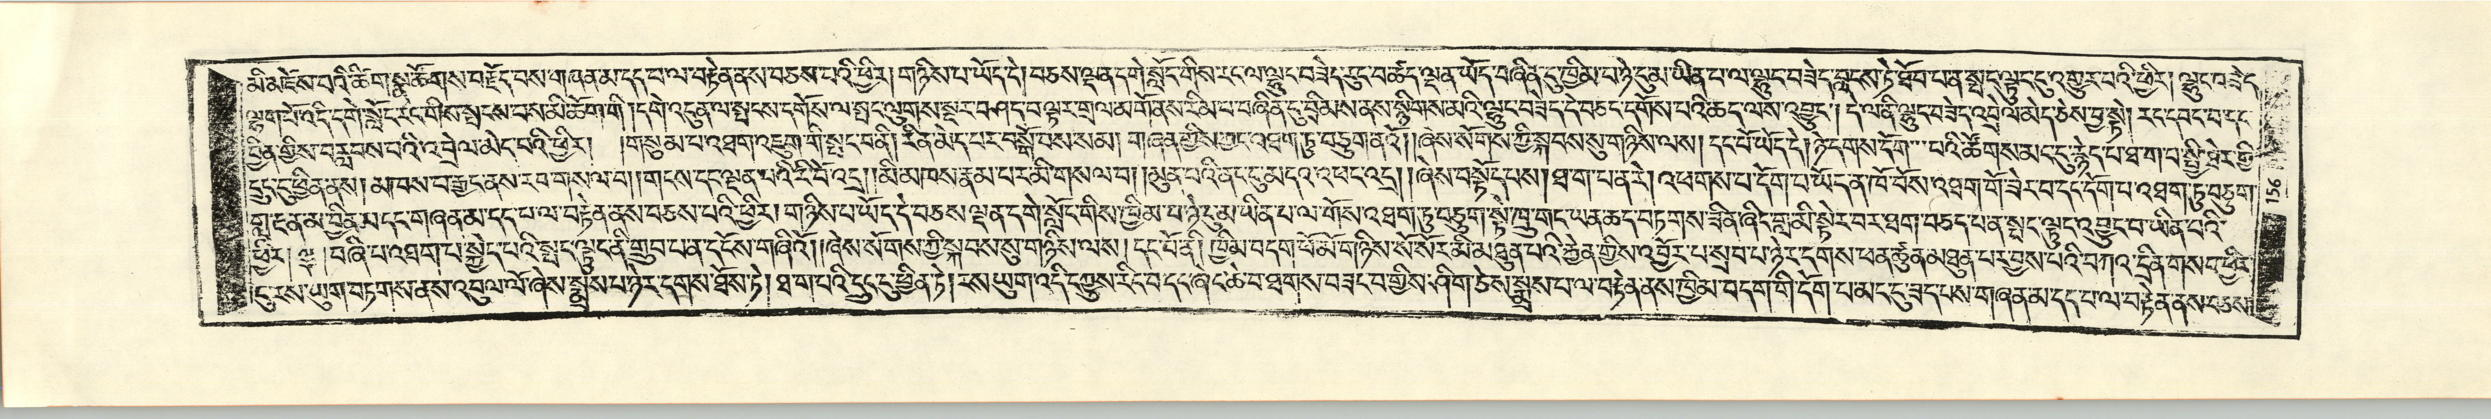མི་མཛེས་པའི་ཚིག་སྣ་ཚོགས་བརྗོད་པས་གཞན་མ་དད་པ་ལ་བརྟེན་ནས་བཅས་པའི་ཕྱིར། གཉིས་པ་ཡོད་དེ། བཅས་ལྡན་དགེ་སློང་གིས་རང་ལ་ལྷུང་བཟེད་རུང་བ་ཚད་ལྡན་ཡོད་བཞིན་དུ་ཁྱིམ་པ་ཉེ་དུ་མ་ཡིན་པ་ལ་ལྷུང་བཟེད་བླངས་ཏེ་ཐོབ་པ་ན་སྤང་ལྟུང་དུ་འགྱུར་བའི་ཕྱིར། ལྷུང་བཟེད་
ལྷག་པོ་འདི་དགེ་སློང་རང་གིས་སྤངས་པས་མི་ཆོག་གི །དགེ་འདུན་ལ་སྤངས་དགོས་ལ་སྤང་ལུགས་སྔར་བཤད་པ་ལྟར་གྲལ་མགོ་ནས་རིམ་པ་བཞིན་དུ་བྲིམས་ནས་སྙིགས་མའི་ལྷུང་བཟེད་དེ་བཅད་དགོས་པའི་ཆད་ལས་འབྱུང་། དེ་ལ་ནི་ལྷུང་བཟེད་འབྲེལ་མེད་ཅེས་བྱ་སྟེ། རང་དབང་བ་དང་
བྱིན་གྱིས་བརླབས་པའི་འབྲེལ་མེད་པའི་ཕྱིར། །གསུམ་པ་འཐག་འཇུག་གི་སྤང་བ་ནི། རིན་མེད་པར་བསྒོ་བས་སམ། གཞན་གྱིས་ཀྱང་འཐག་ཏུ་བཅུག་ནའོ། །ཞེས་སོགས་ཀྱི་སྐབས་སུ་གཉིས་ལས། དང་པོ་ཡོད་དེ། ཉེ་དགས་དོག་པའི་ཚོགས་མང་དུ་རྙེད་པ་ཐ་ག་པ་སྤྱི་ཐེར་གྱི་
དྲུང་དུ་ཕྱིན་ནས། མཁས་པ་རྒྱང་ནས་རབ་གསལ་བ། །གངས་དང་ལྡན་པའི་རི་བོ་འདྲ། །མི་མཁས་རྣམ་པར་མི་གསལ་བ། །མུན་པའི་ནང་དུ་མདའ་འཕང་འདྲ། །ཞེས་བསྟོད་པས། ཐ་ག་པ་ན་རེ། འཕགས་པ་དོག་པ་ཡོད་ན་ཁོ་བོས་འཐག་གོ་ཟེར་བ་དང་དོག་པ་འཐག་ཏུ་བཅུག་
གླ་རྔན་མ་བྱིན་པ་དང་གཞན་མ་དད་པ་ལ་བརྟེན་ནས་བཅས་པའི་ཕྱིར། གཉིས་པ་ཡོད་དེ་བཅས་ལྡན་དགེ་སློང་གིས་ཁྱིམ་པ་ཉེ་དུ་མ་ཡིན་པ་ལ་གོས་འཐག་ཏུ་བཅུག་སྟེ་ཁྲུ་གང་ཡན་ཆད་བཏགས་ཟིན་ཞིང་གླ་མི་སྟེར་བར་ཐག་བཅད་པ་ན་སྤང་ལྟུང་འབྱུང་བ་ཡིན་པའི་
ཕྱིར། ༈ །བཞི་པ་འཐག་པ་སྐྱེད་པའི་སྤང་ལྟུང་ནི་གྲུབ་པ་ན་དངོས་གཞིའོ། །ཞེས་སོགས་ཀྱི་སྐབས་སུ་གཉིས་ལས། དང་པོ་ནི། ཁྱིམ་བདག་ཕོ་མོ་གཉིས་སོ་སོར་མི་མཐུན་པའི་རྐྱེན་གྱིས་འབྱོར་པ་སྲབ་པ་ཉེར་དགས་ཕན་ཚུན་མཐུན་པར་བྱས་པའི་བཀའ་དྲིན་གསབ་ཕྱིར་
དུ་རས་ཡུག་བཏགས་ནས་འབུལ་ལོ་ཞེས་སྨྲས་པ་ཉེར་དགས་ཐོས་ཏེ། ཐ་ག་པའི་དྲུང་དུ་ཕྱིན་ཏེ། རས་ཡུག་འདི་དཀྱུས་རིང་བ་དང་ཞེང་ཆེ་བ་ཐགས་བཟང་བ་གྱིས་ཤིག་ཅེས་སྨྲས་པ་ལ་བརྟེན་ནས་ཁྱིམ་བདག་གི་དོག་པ་མང་དུ་ཟད་པས་གཞན་མ་དད་པ་ལ་བརྟེན་ནས་བཅས་